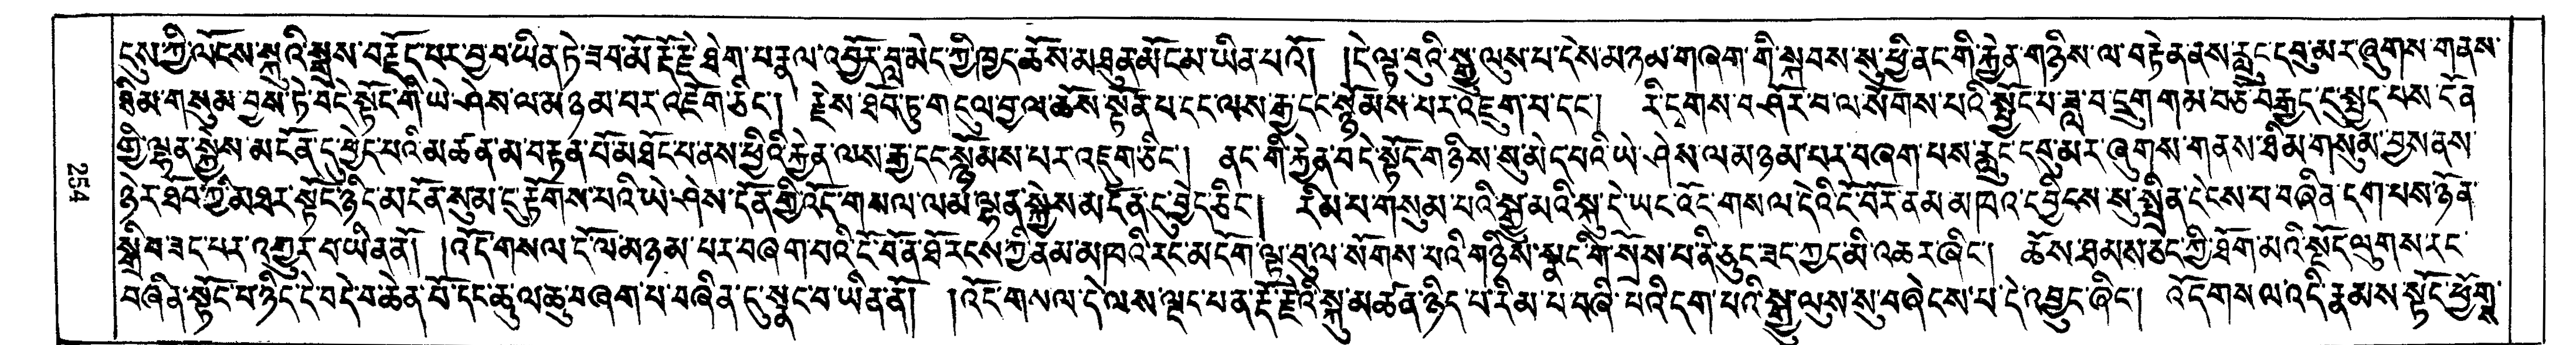དུས་ཀྱི་ལོངས་སྐུའི་སྒྲས་བརྗོད་པར་བྱ་བ་ཡིན་ཏེ་ཟབ་མོ་རྡོ་རྗེ་ཐེག་པ་རྣལ་འབྱོར་བླ་མེད་ཀྱི་ཁྱད་ཆོས་མཐུན་མོང་མ་ཡིན་བའོ། །དེ་ལྟ་བུའི་སྒྱུར་ལུས་པ་དེས་མཉམ་གཞག་གི་སྐབས་སུ་ཕྱི་ནང་གི་རྐྱེན་གཉིས་ལ་བརྟེན་ནས་རླུང་དབུ་མར་ཞུགས་གནས་
ཐིམ་གསུམ་བྱས་ཏེ་བདེ་སྟོང་གི་ཡེ་ཤེས་ལ་མཉམ་པར་འཇོག་ཅིང་། རྗེས་ཐོབ་ཏུ་གདུལ་བྱ་ལ་ཆོས་སྟོན་པ་དང་ལས་རྒྱ་དང་སྙོམས་པར་འཇུག་པ་དང་། རི་དྭགས་བཤོར་བ་ལ་སོགས་པའི་སྤྱོད་པ་ཟླ་བ་དྲུག་གམ་བཅོ་བརྒྱད་དུ་སྤྱད་པས་དོན་
གྱི་ལྷན་སྐྱེས་མངོན་དུ་བྱེད་པའི་མཚན་མ་བརྟན་པོ་མཐོང་བ་ནས་ཕྱིའི་རྐྱེན་ལས་རྒྱ་དང་སྙོམས་པར་འཇུག་ཅིང་། ནང་གི་རྐྱེན་བདེ་སྟོང་གཉིས་སུ་མེད་བའི་ཡེ་ཤེས་ལ་མཉམ་པར་བཞག་པས་རླུང་དབུ་མར་ཞུགས་གནས་ཐིམ་གསུམ་བྱས་ནས་
ཉེར་ཐོབ་ཀྱི་མཐར་སྟོང་ཉིད་མངོན་སུམ་དུ་རྟོགས་པའི་ཡེ་ཤེས་དོན་གྱི་འོད་གསལ་ལམ་ལྷན་སྐྱེས་མདོན་དུ་བྱེད་ཅིང་། རིམ་པ་གསུམ་པའི་སྒྱུ་མའི་སྐུ་དེ་ཡང་འོད་གསལ་དེའི་ངོ་བོར་ནམ་མཁའི་དབྱིངས་སུ་སྤྲིན་དེངས་པ་བཞིན་དག་པས་ཉོན་
སྒྲི་བཟང་བར་འགྱུར་བ་ཡིན་ནོ། །འོད་གསལ་དེ་ལ་མཉམ་པར་བཞུག་པའི་ངོ་བོ་ན་ཐོ་རངས་ཀྱི་ནམ་མཁའི་རང་མདོག་ལྟ་བུ་ལ་སོགས་པའི་གཉིས་སྣང་གི་སྤྲོས་པ་ནི་ཅུང་ཟད་ཀྱང་མི་འཆར་ཞིང་། ཆོས་ཐམས་ཅད་ཀྱི་ཐོག་མའི་སྡོད་ལུགས་དང་
བཞིན་སྟོང་པ་ཉིད་དེ་བདེ་བ་ཆེན་པོ་དང་ཆུ་ལ་ཆུ་བཞག་པ་བཞིན་དུ་སྣང་བ་ཡིན་ནོ། །འོད་གསལ་དེ་ལས་ལྡང་བ་ན་རྡོ་རྗེའི་སྐུ་མཚན་ཉིད་པ་རིམ་པ་བཞི་པའི་དག་པའི་སྒྱུ་ལུས་སུ་བཞེངས་པ་དེ་འབྱུང་ཞིང་། འོད་གསལ་འདི་རྣམས་སྟོང་ཕྱོགས།